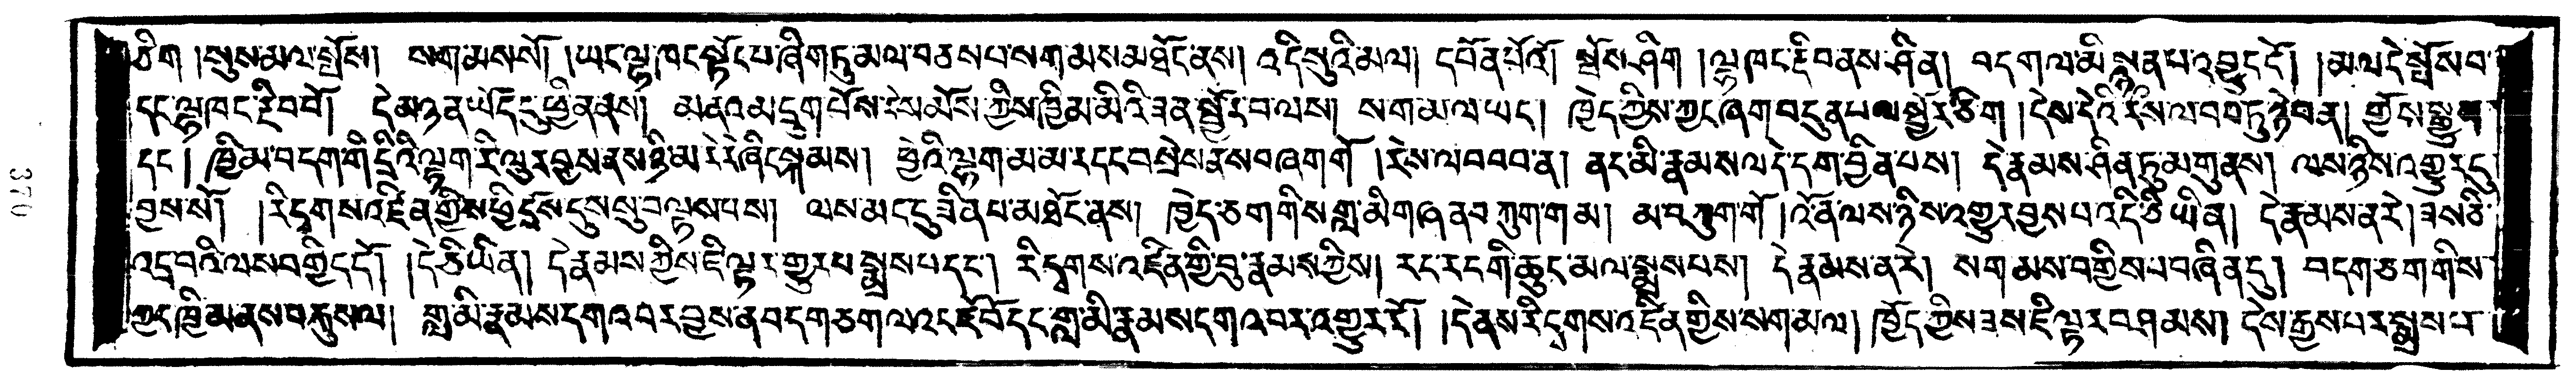ཅིག །སུས་མལ་སྤོས། སག་མས་སོ། །ཡང་ལྷ་ཁང་སྟོང་པ་ཞིག་ཏུ་མལ་བཅས་པ་སག་མས་མཐོང་ནས། འདི་སུའི་མལ། དཔོན་པོའོ། སྤོས་ཤིག །ལྷ་ཁང་རྡིབ་ནས་ཤིན། བདག་ལ་མི་སྙན་པ་འབྱུང་ངོ། །མལ་དེ་སྤོས་བ་
དང་ལྷ་ཁང་རྔིབ་བོ། དེ་མཉན་ཡོད་དུ་ཕྱིན་ནས། མནའམ་དྲུག་པོས་རེས་མོས་ཀྱིས་ཁྱིམ་མིའི་ཟན་སྦྱོར་བ་ལས། ས་ག་མ་ལ་ཡང་། ཁྱེད་ཀྱིས་ཀྱང་ཞག་བདུན་པ་ལ་སྦྱོར་ཅིག །དེས་དེའི་རྀས་ལ་བབ་ཏུ་ཉེ་བ་ན། གྱོས་སྒྱུ་
དང་། ཁྱིམ་བདག་གི་དྲིའི་ལྷག་རི་ལུར་བྱས་ནས་ཉི་མ་རེ་རེ་ཞིང་སྐམས། ཕྱེའི་ལྷག་མ་མ་ར་དང་བསྲེས་ནས་བཞག་གོ །རེས་ལ་བབ་ན། ནང་མི་རྣམས་ལ་དེ་དག་བྱིན་པས། དེ་རྣམས་ཤིན་ཏུ་མགུ་ནས། ལས་ཉིས་འགྱུར་དུ་
བྱས་སོ། །རི་དྭགས་འཛིན་གྱིས་ཕྱི་དྲོས་དུས་སུ་བལྟས་པས། ལས་མང་དུ་ཟིན་པ་མཐོང་ནས། ཁྱེད་ཅག་གིས་གླ་མི་གཞན་བཀུག་གམ། མ་བཀུག་གོ །འོ་ན་ལས་ཉིས་འགྱུར་བྱས་པ་འདི་ཅི་ཡིན། དེ་རྣམས་ན་རེ། ཟས་ཅི་
འདྲ་བའི་ལས་བགྱིད་དོ། །དེ་ཅི་ཡིན། དེ་རྣམས་ཀྱིས་ཇི་ལྟར་གྱུར་པ་སྨྲས་པ་དང་། རི་དྭགས་འཛིན་གྱི་བུ་རྣམས་ཀྱིས། རང་རང་གི་ཆུང་མ་ལ་སྨྲས་པས། དེ་རྣམས་ན་རེ། སག་མས་བགྱིས་པ་བཞིན་དུ། བདག་ཅག་གིས་
ཀྱང་ཁྱིམ་ནས་བརྐུས་ལ། གླ་མི་རྣམས་དགའ་བར་བྱས་ན་བདག་ཅག་ལའང་ཇོ་བོ་དང་གླ་མི་རྣམས་དགའ་བར་འགྱུར་རོ། །དེ་ནས་རི་དྭགས་འཛིན་གྱིས་སག་མལ། ཁྱོད་ཀྱིས་ཟས་ཇི་ལྟར་བཤམས། དེས་རྒྱས་པར་སྨྲས་པ་